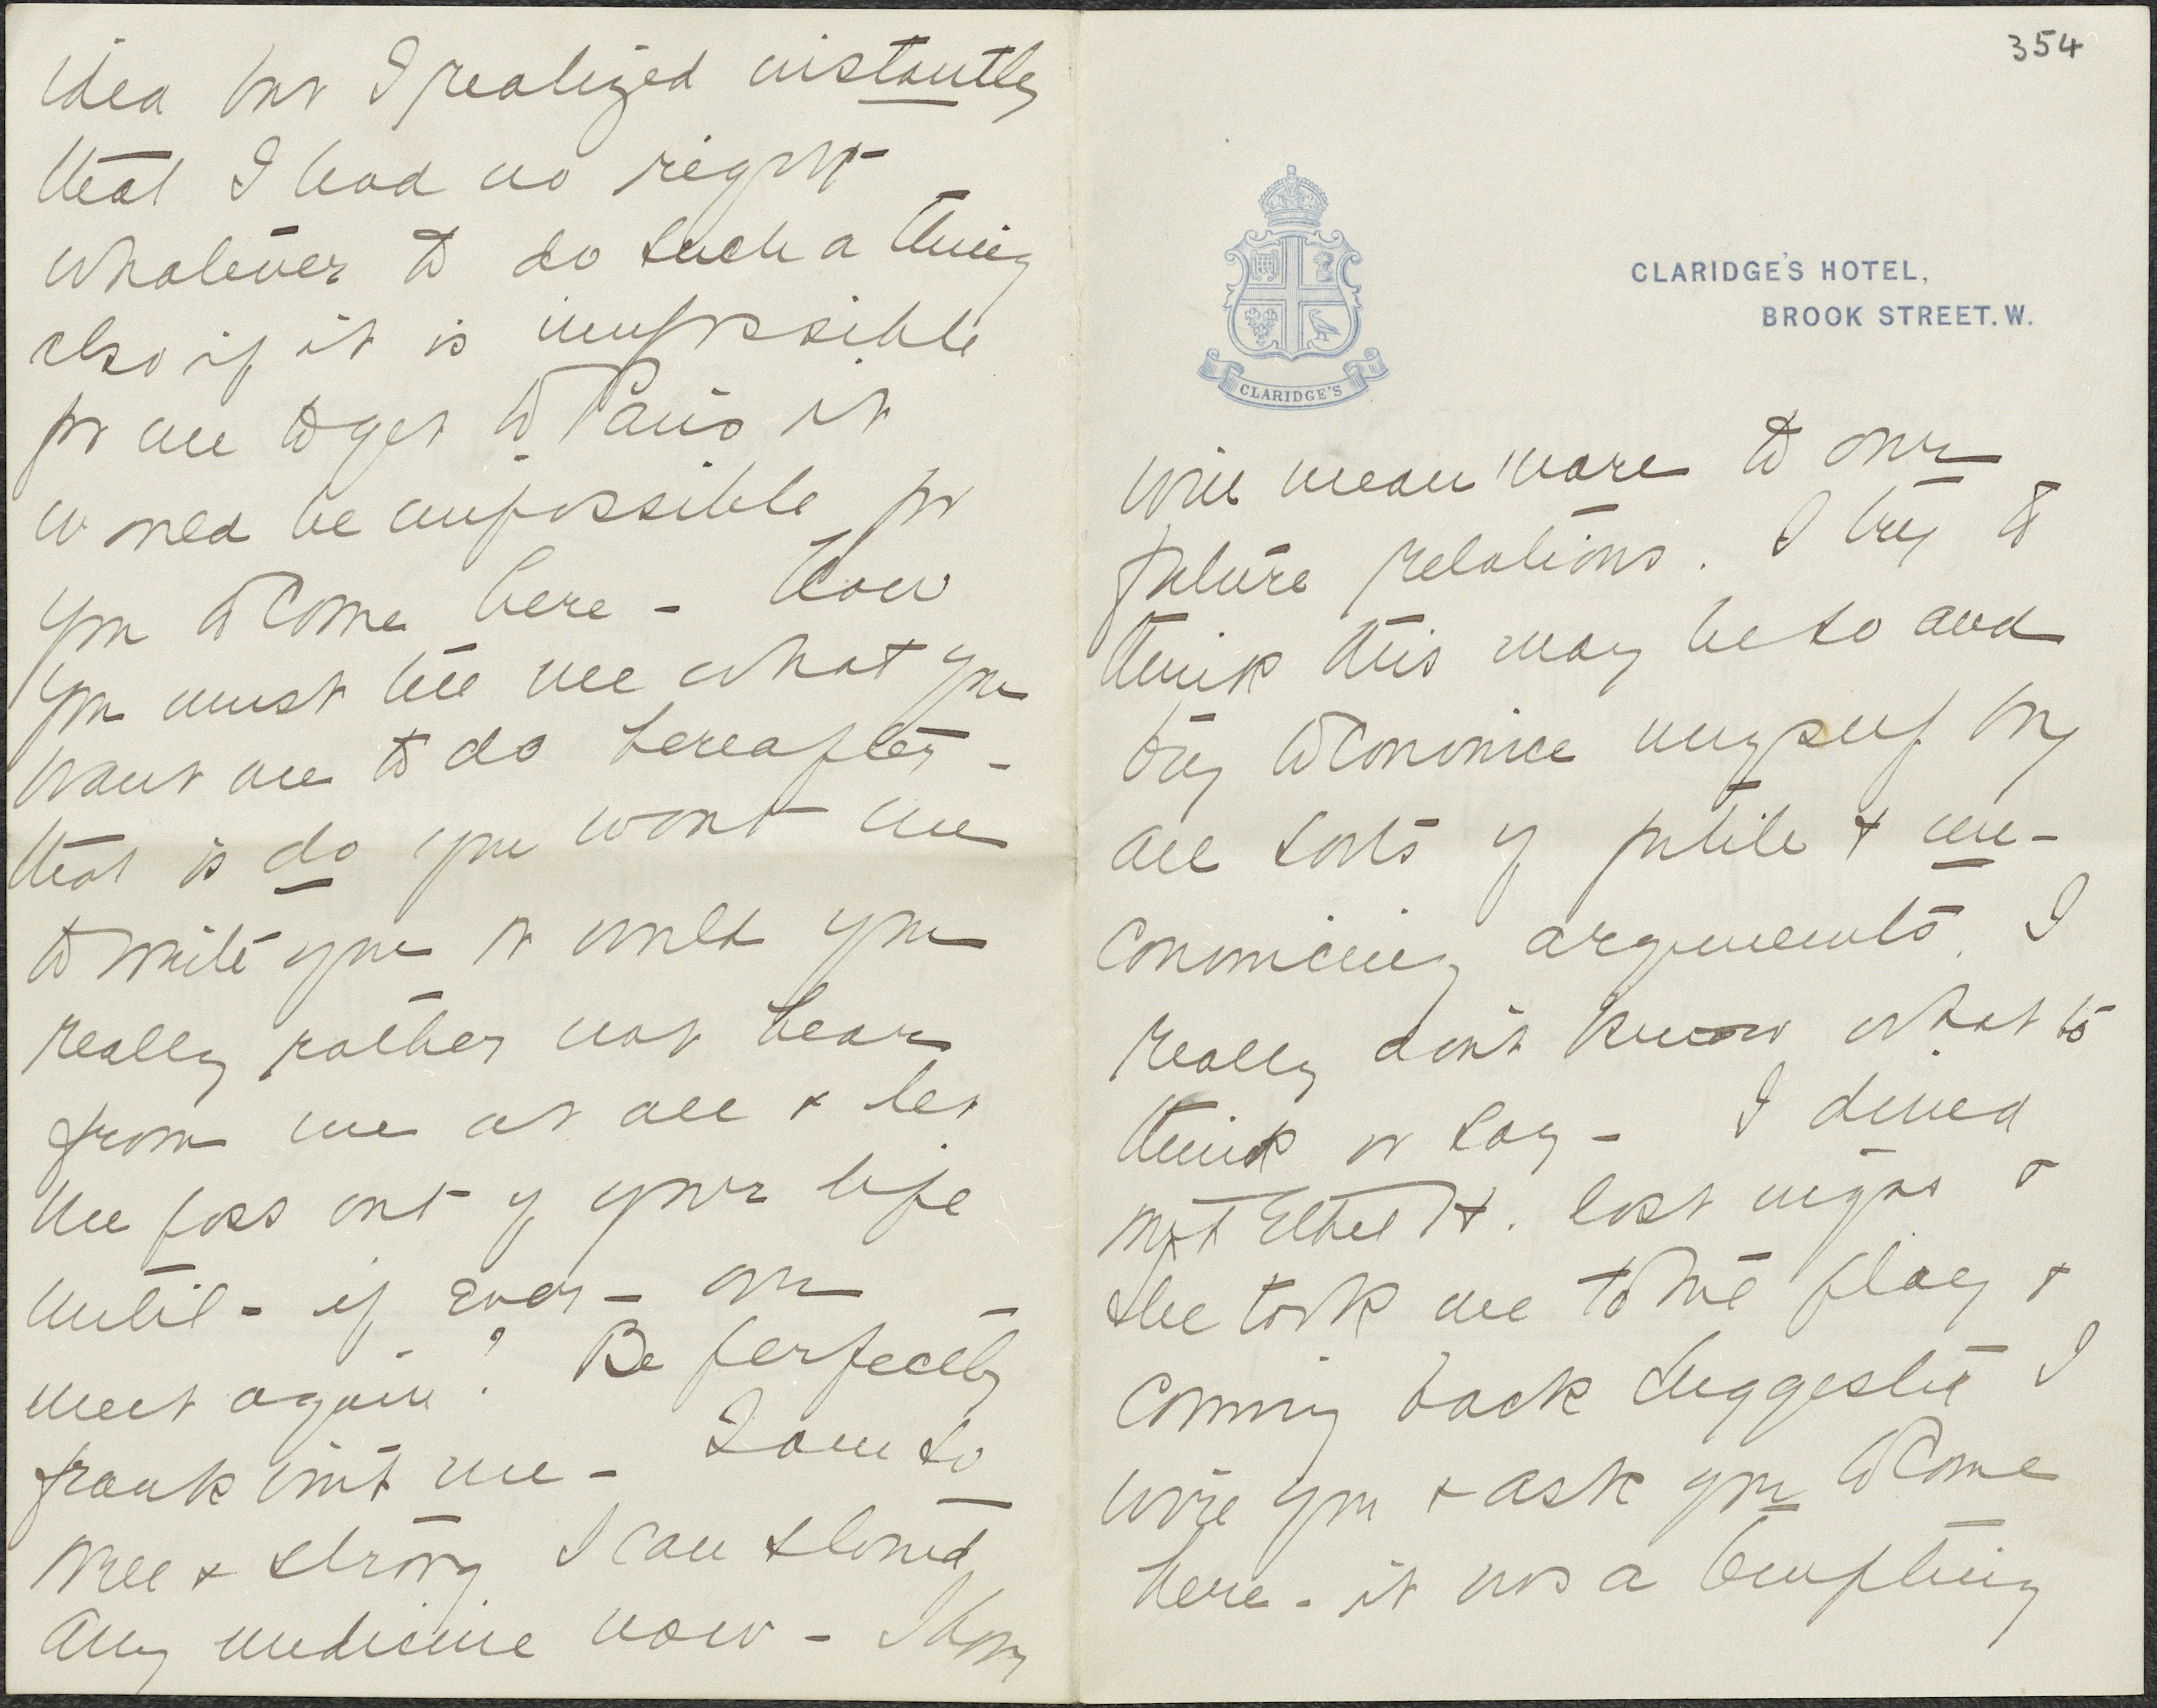will mean more to our future relations. I try to think this may be so and try to convince myself by all sorts of futile & unconvincing arguments. I really don’t know what to think or say – I dined with Ethel H. last night & she took me to the play & coming back suggested I wire you & ask you to come here – it was a tempting
idea but I realized instantly that I had no right whatever to do such a thing also if it is impossible for me to get to Paris it would be impossible for you to come here – Now you must tell me what you want me to do hereafter – that is do you want me to write you or would you really rather not hear from me at all & let me pass out of your life until – if ever – we meet again? Be perfectly frank with me – I am so well & strong I can stand any medicine now – I have